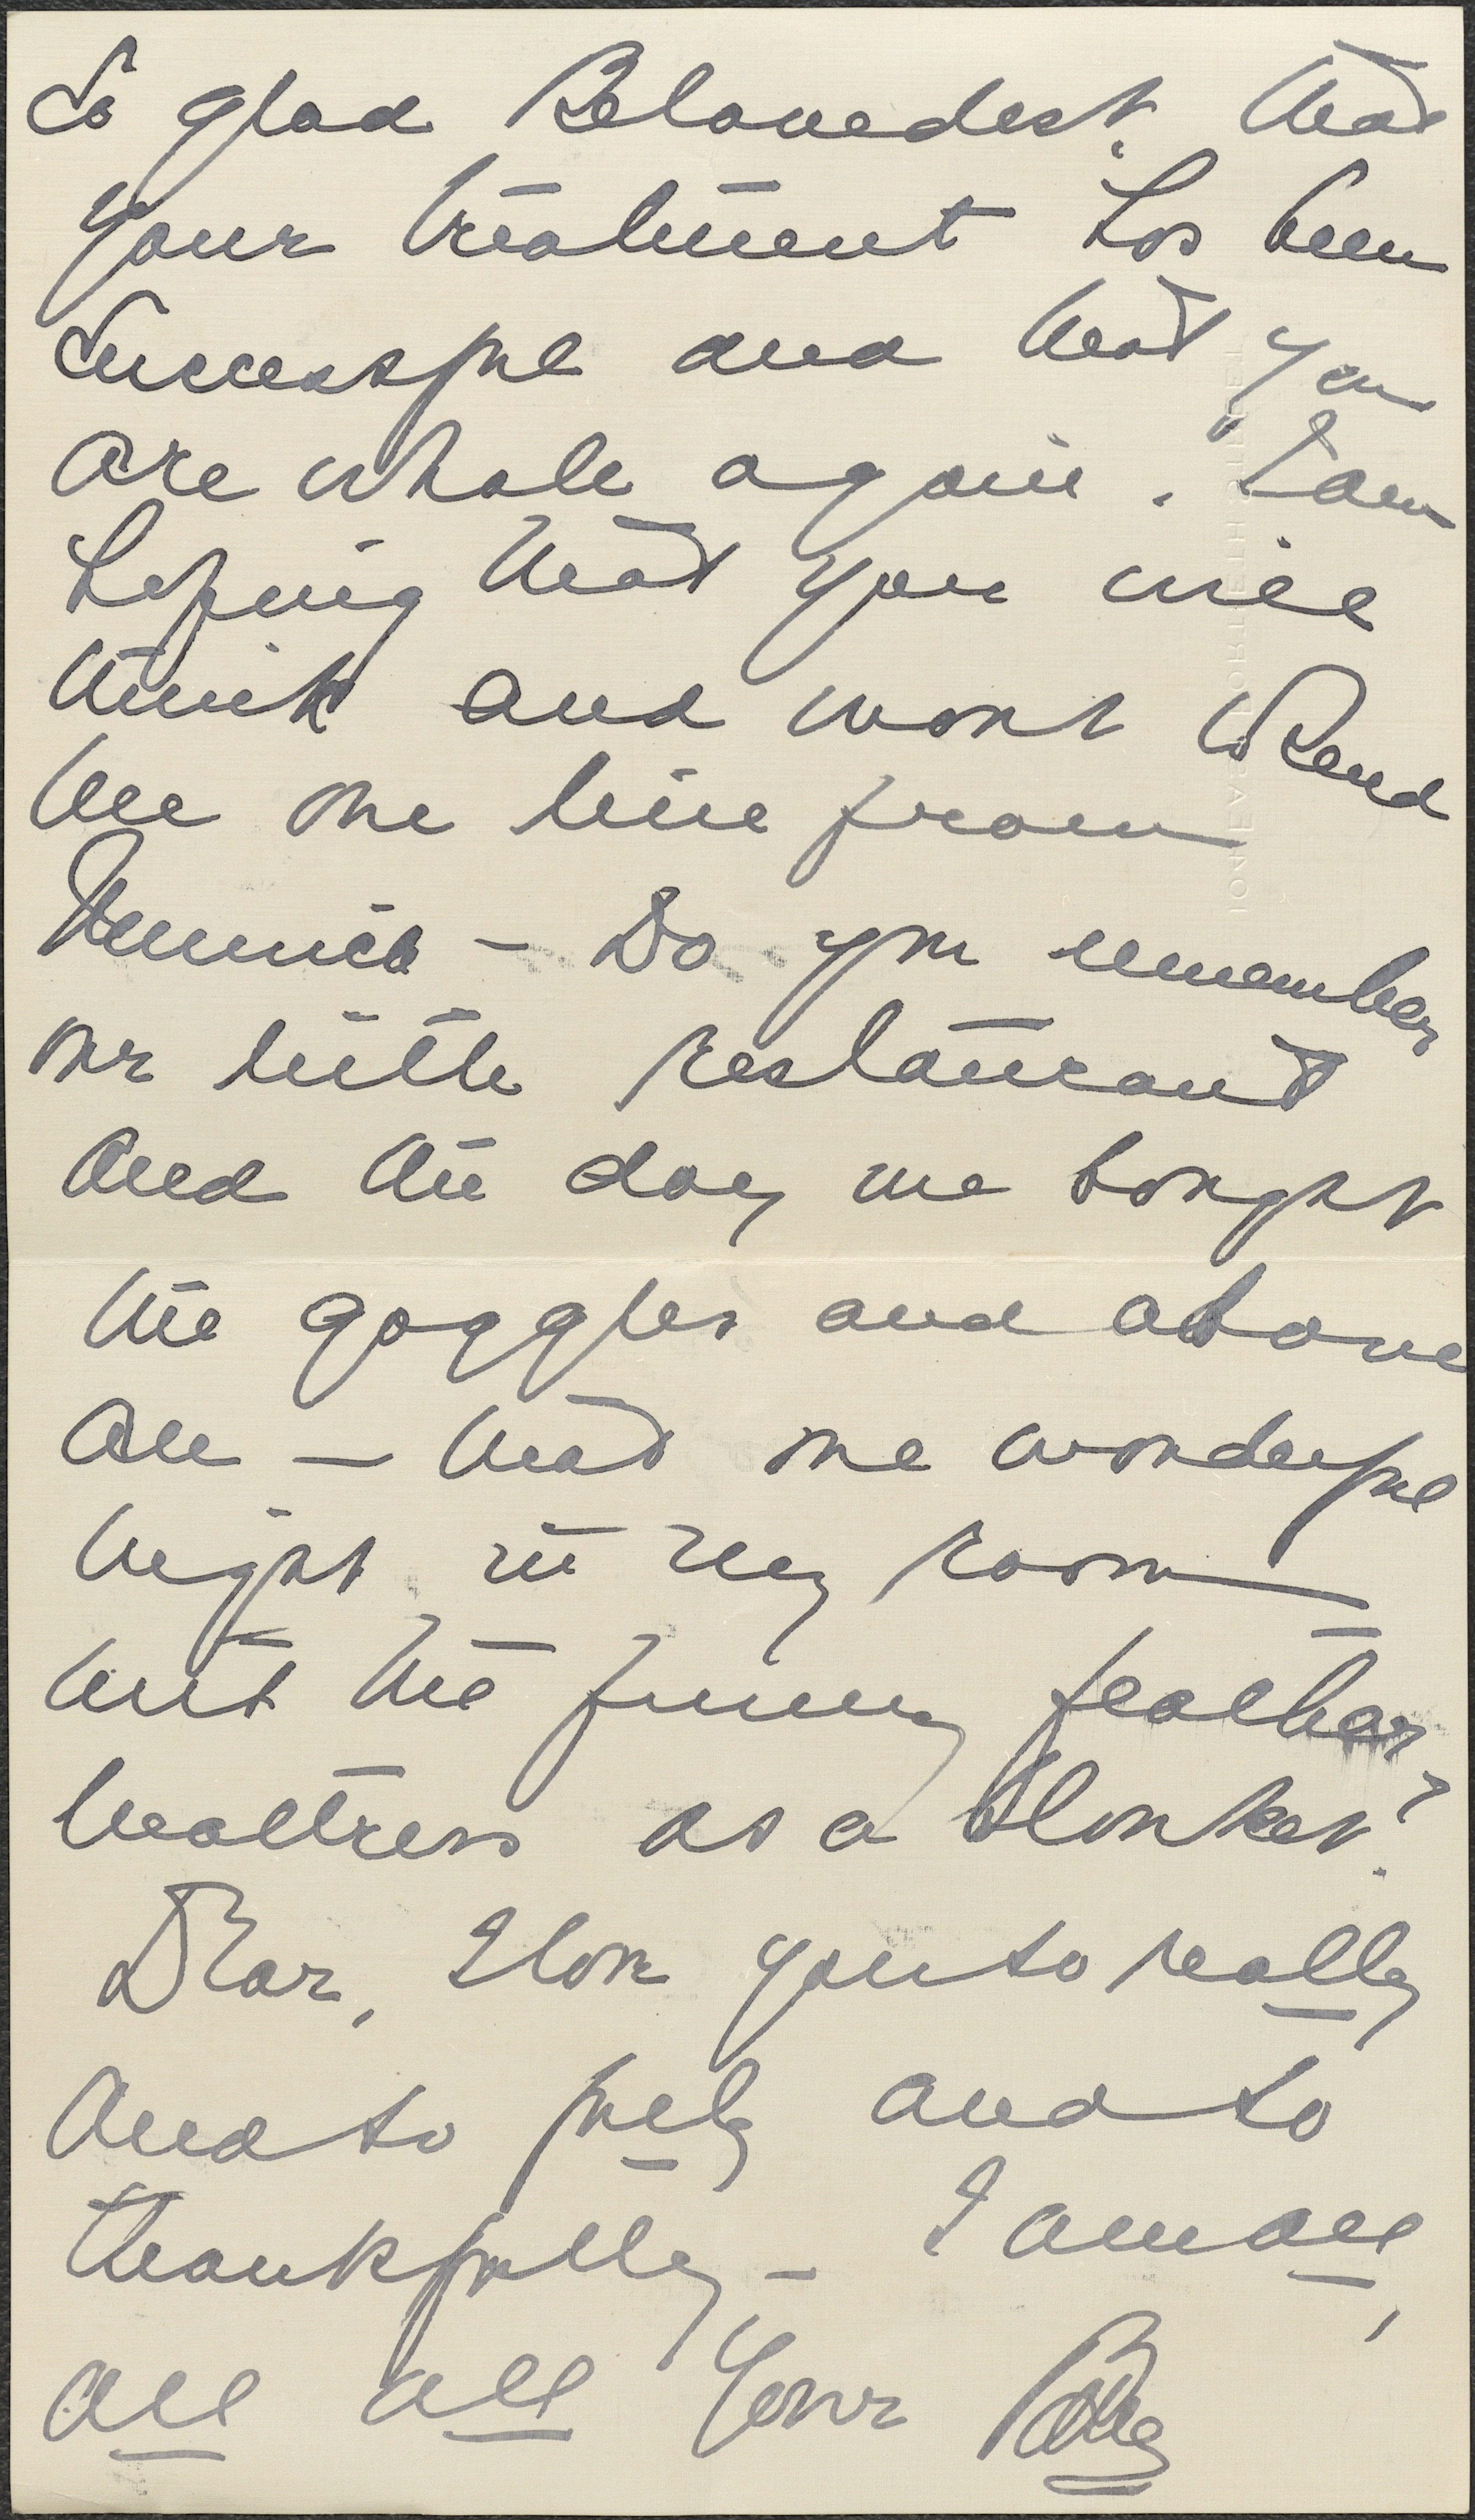so glad Belovedest that your treatment has been successful and that you are whole again. I am hoping that you will think and want to send me one line from Munich – Do you remember our little restaurant and the day we bought the goggles and above all – that one wonderful night in my room with the funny feather mattress as a blanket? Dear, I love you so really and so fully and so thankfully – I am all, all all Your Belle